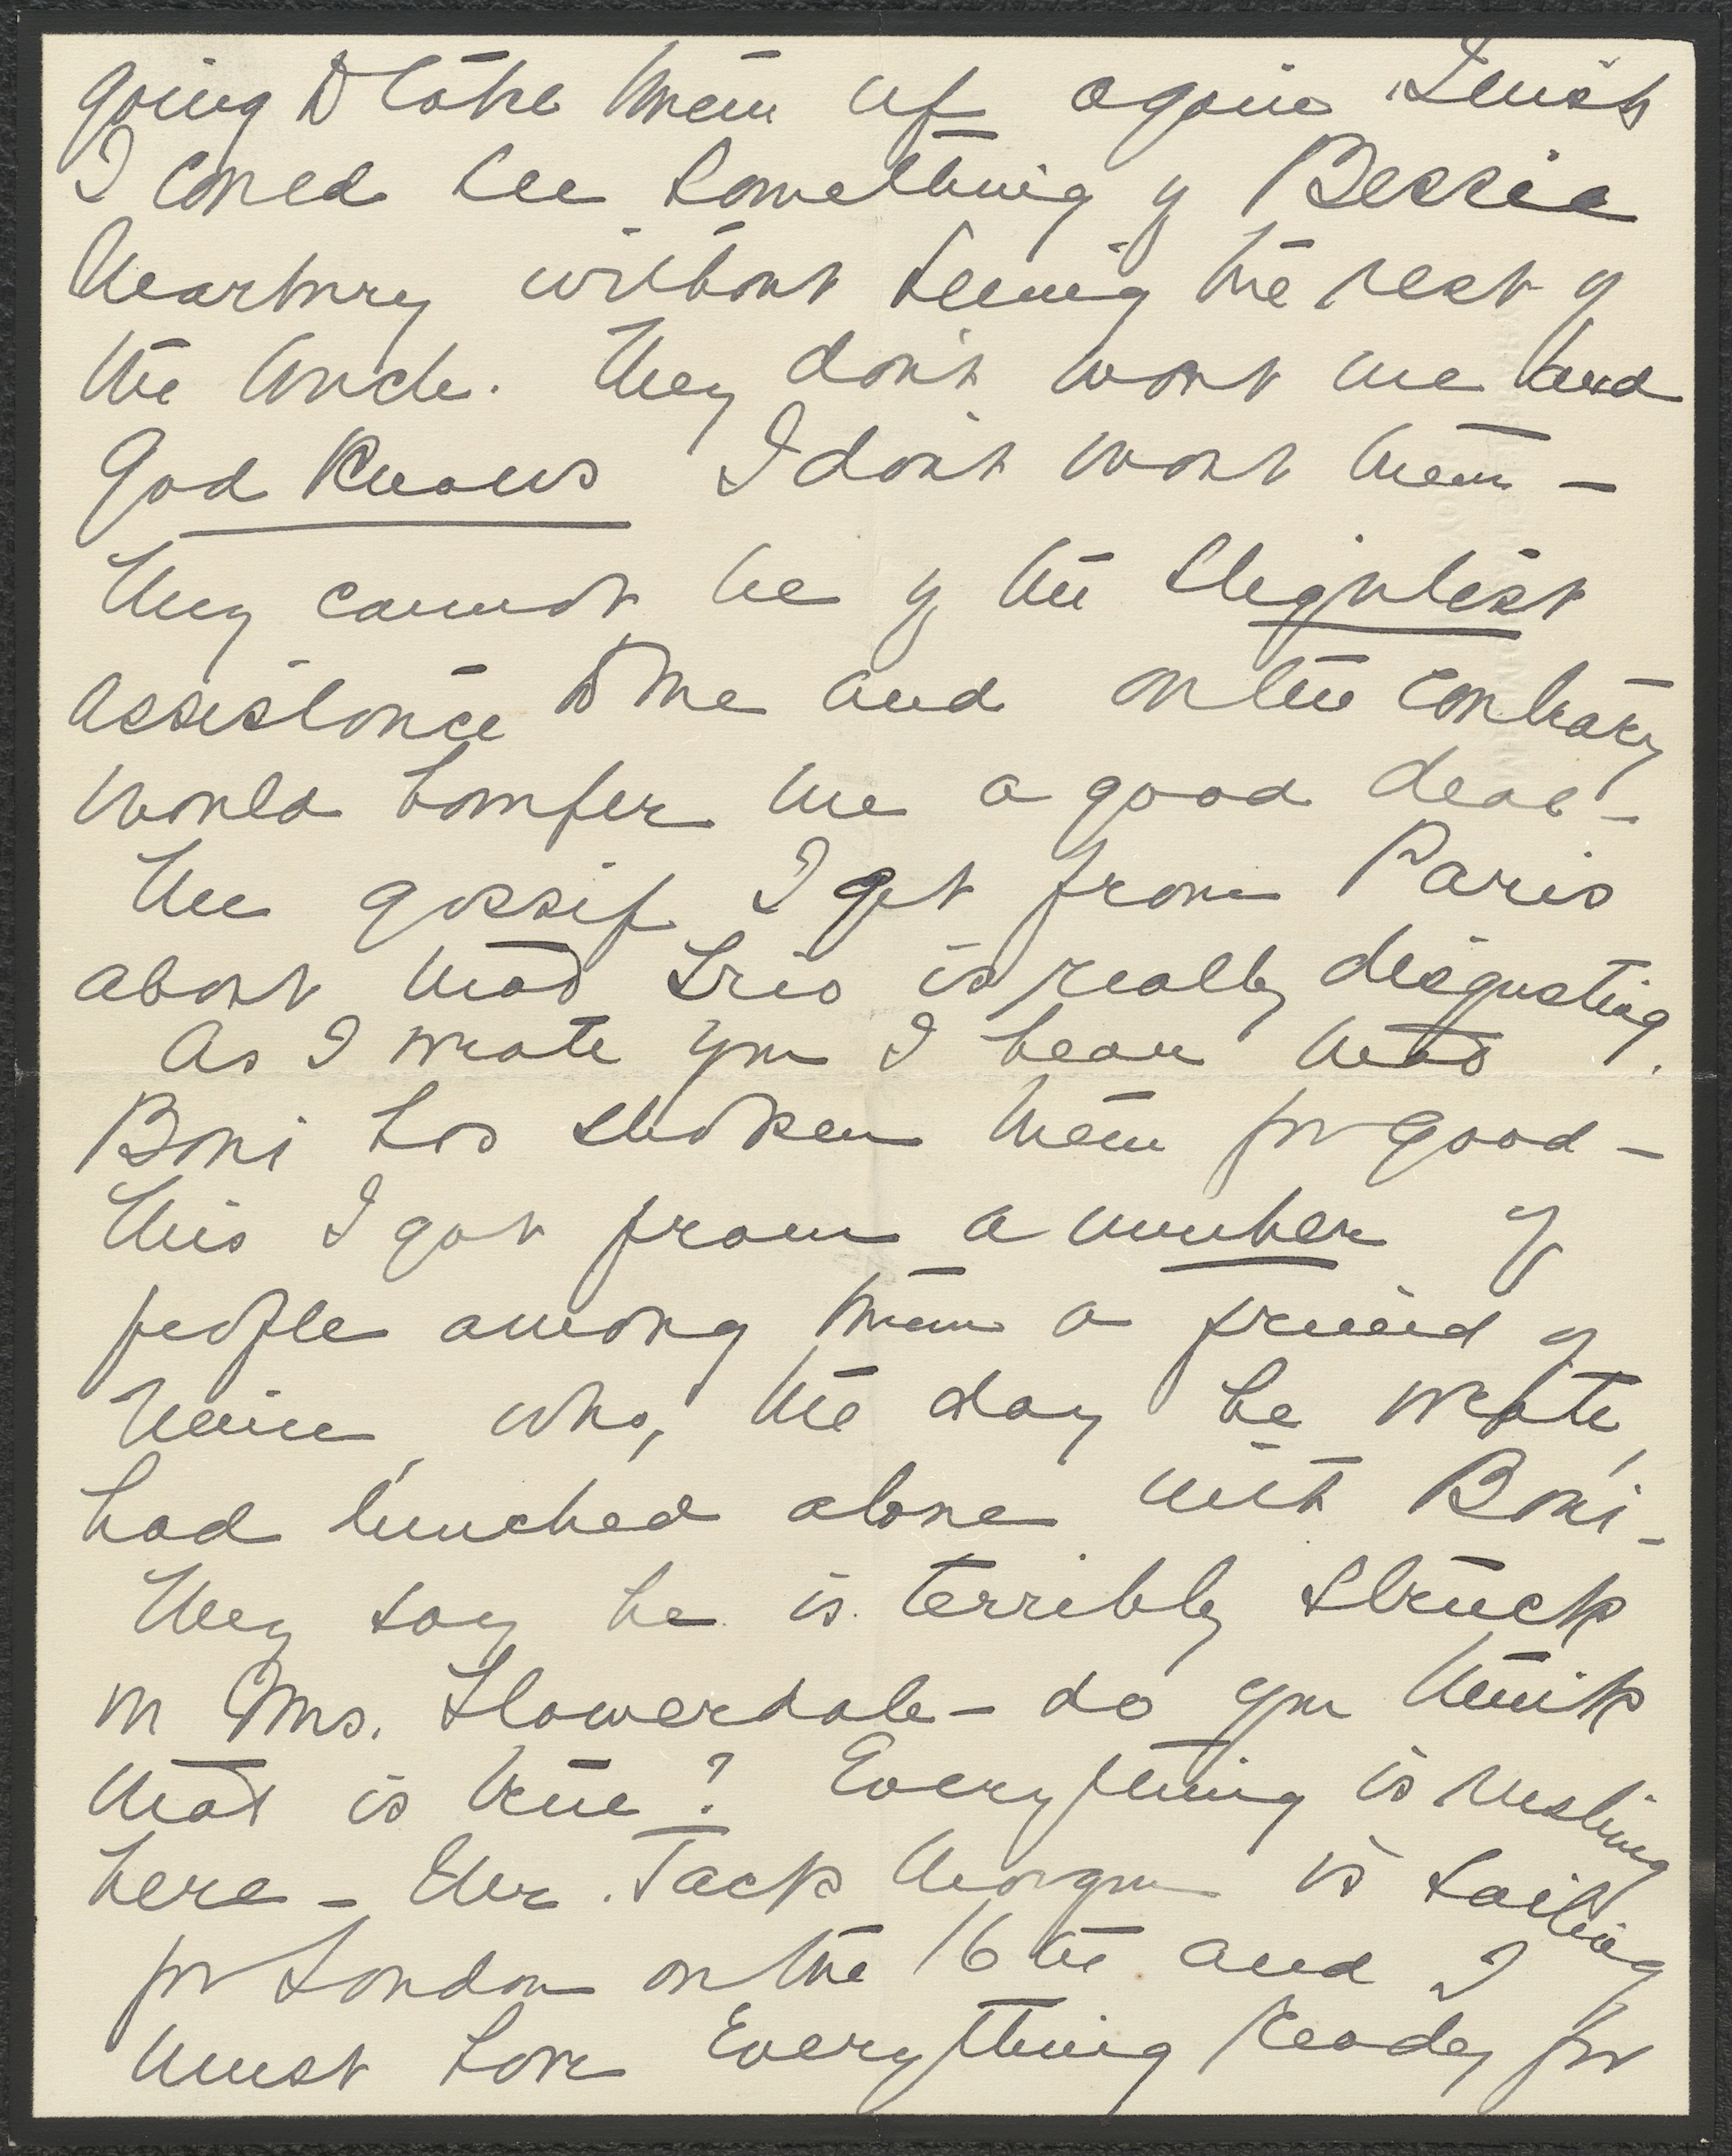going to take them up again, I wish I could see something of Bessie Marbury without seeing the rest of the bunch. They don’t want me and God knows I don’t want them – They cannot be of the slightest assistance to me and on the contrary would hamper me a good deal –
The gossip I get from Paris about that trio is really disgusting.
As I write you I hear that Boni has shaken them for good – This I got from a number of people among them a friend of mine, who, the day he wrote, had lunched alone with Boni –
They say he is terribly struck on Mrs. Flowerdale – do you think that is true? Everything is rushing here – Mr. Jack Morgan is sailing for London on the 16th and I must have everything ready for